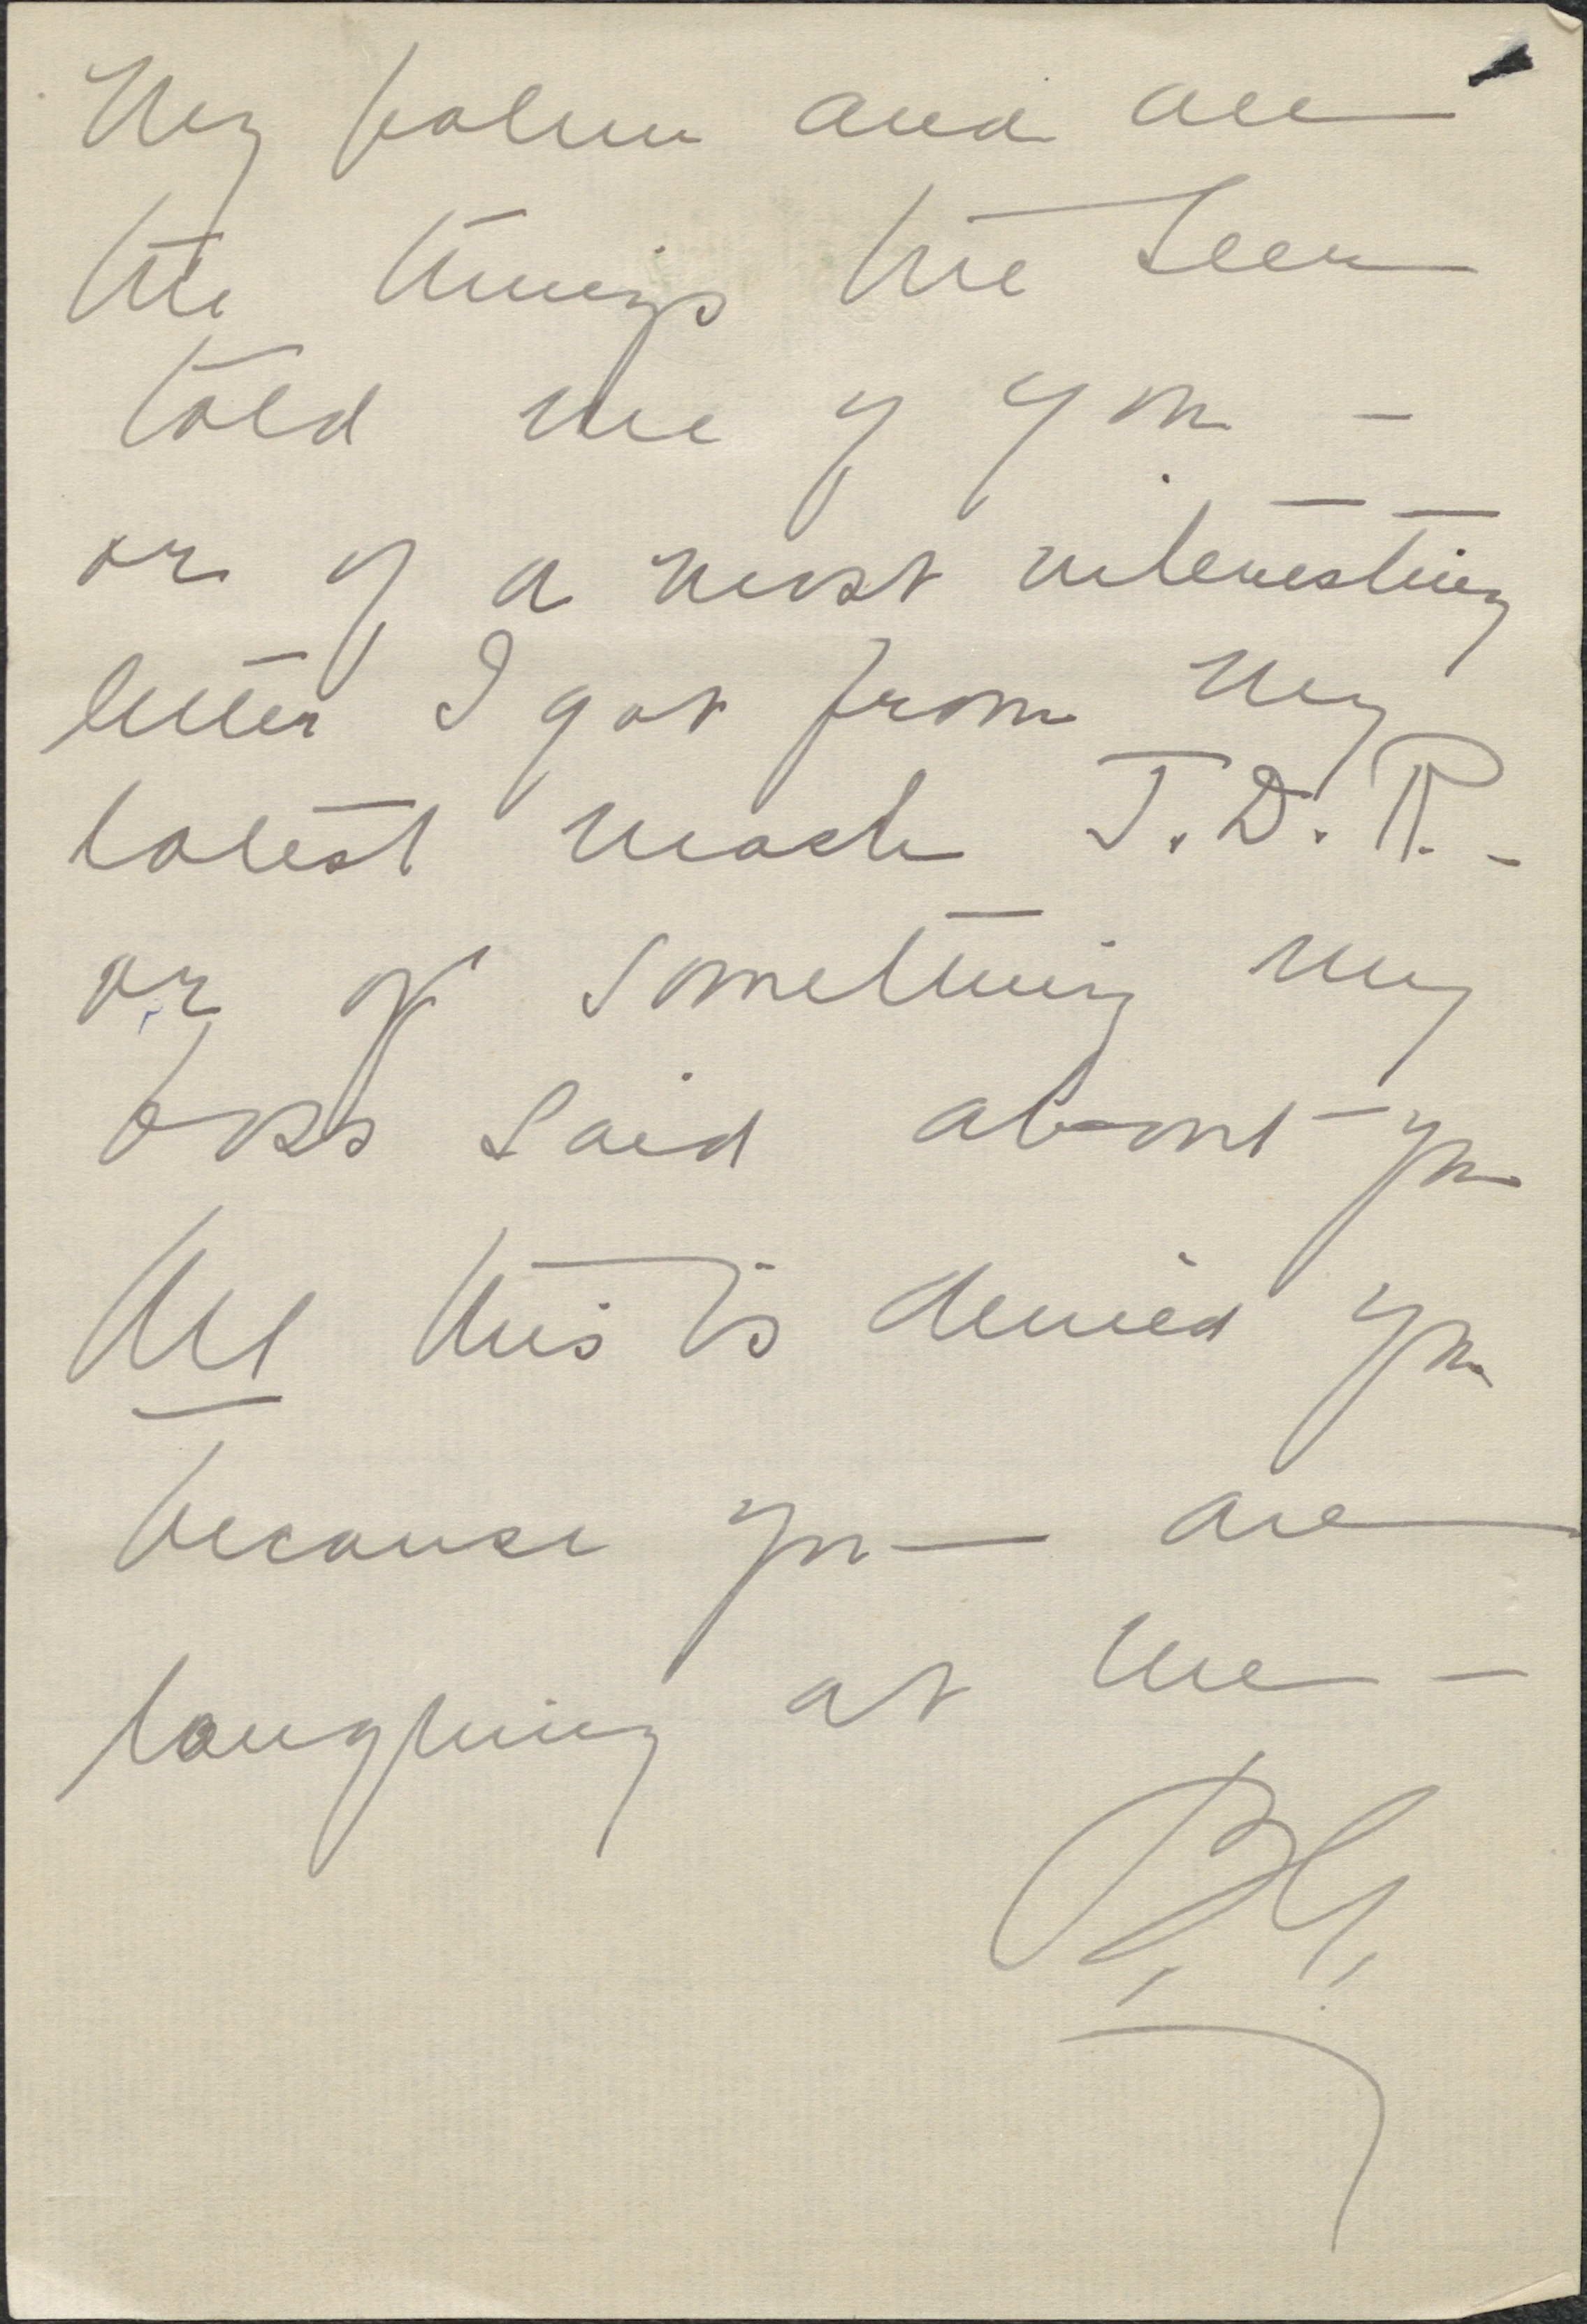my palm and all the things the seer told me of you – or of a most interesting letter I got from my latest mash J. D. R. – or of something my boss said about you
All this is denied you because you are laughing at me –
B. G.